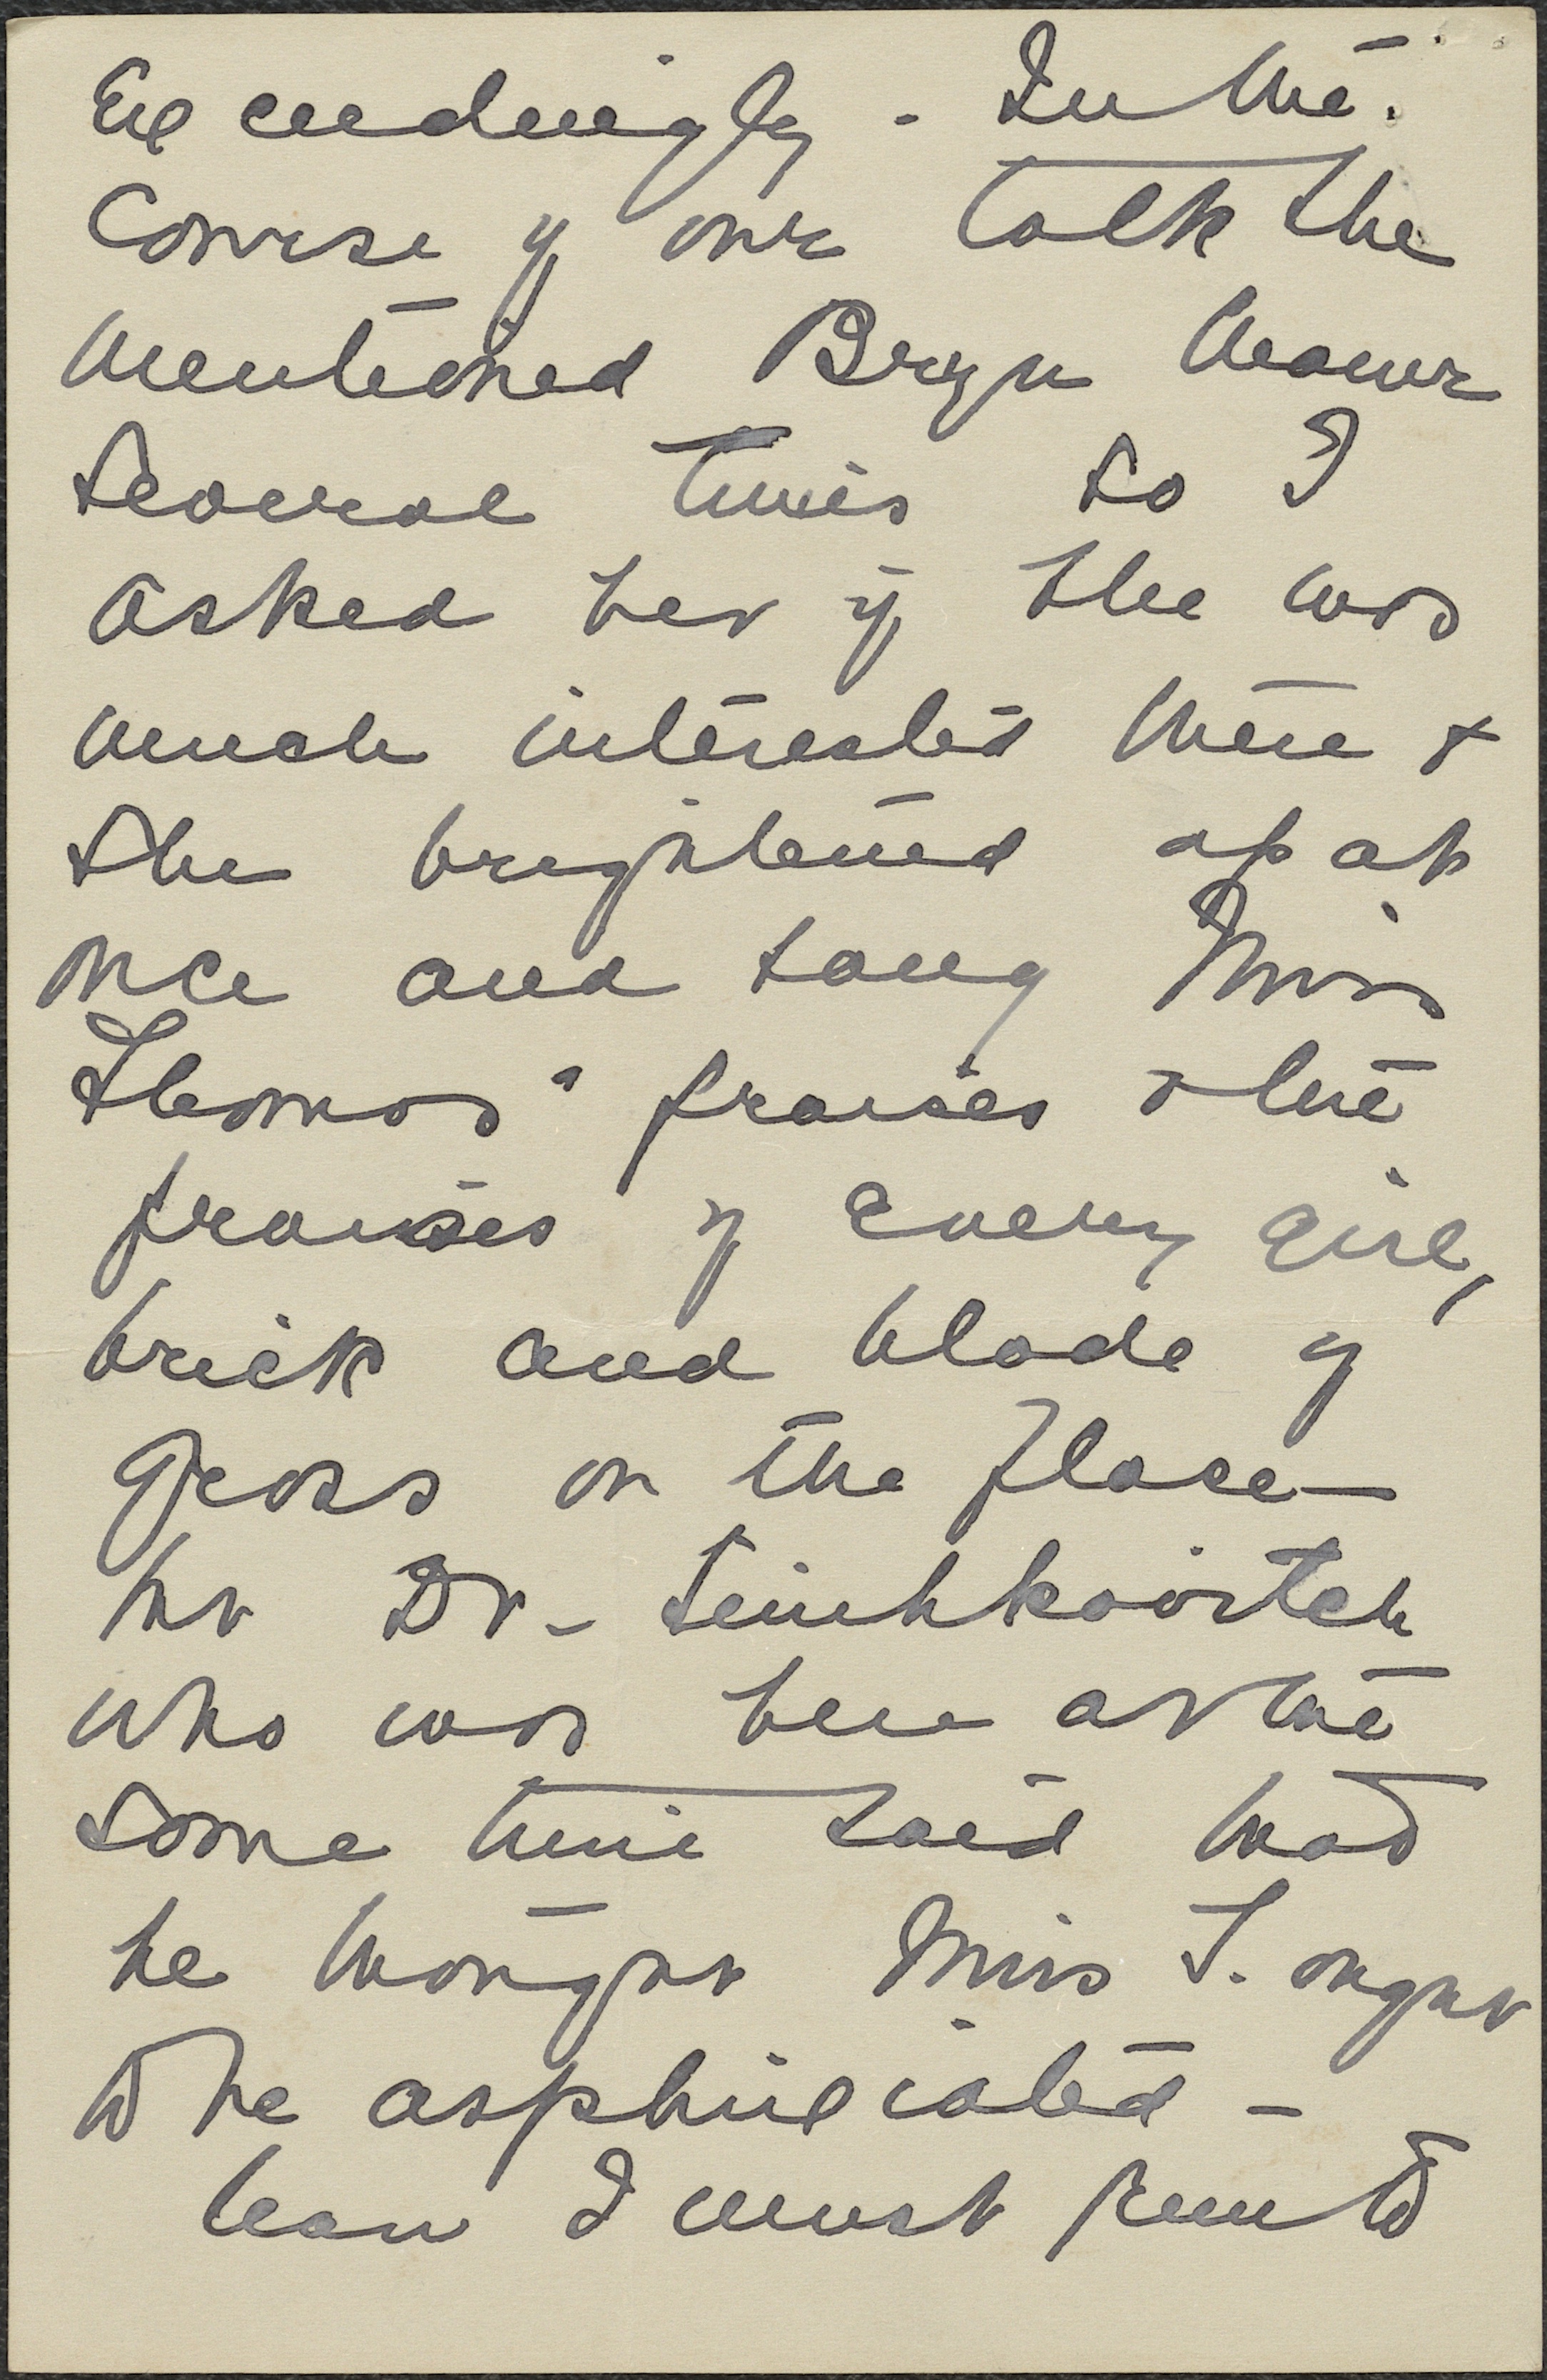exceedingly. In the course of our talk she mentioned Bryn Mawr several times so I asked her if she was much interested there & she brightened up at once and sang Miss Thomas’ praises & the praises of every girl, brick and blade of grass on the place – but Dr. Sinmkovitch who was here at the same time said that he thought Miss T. ought to be asphixiated [sic] – Now I must run to